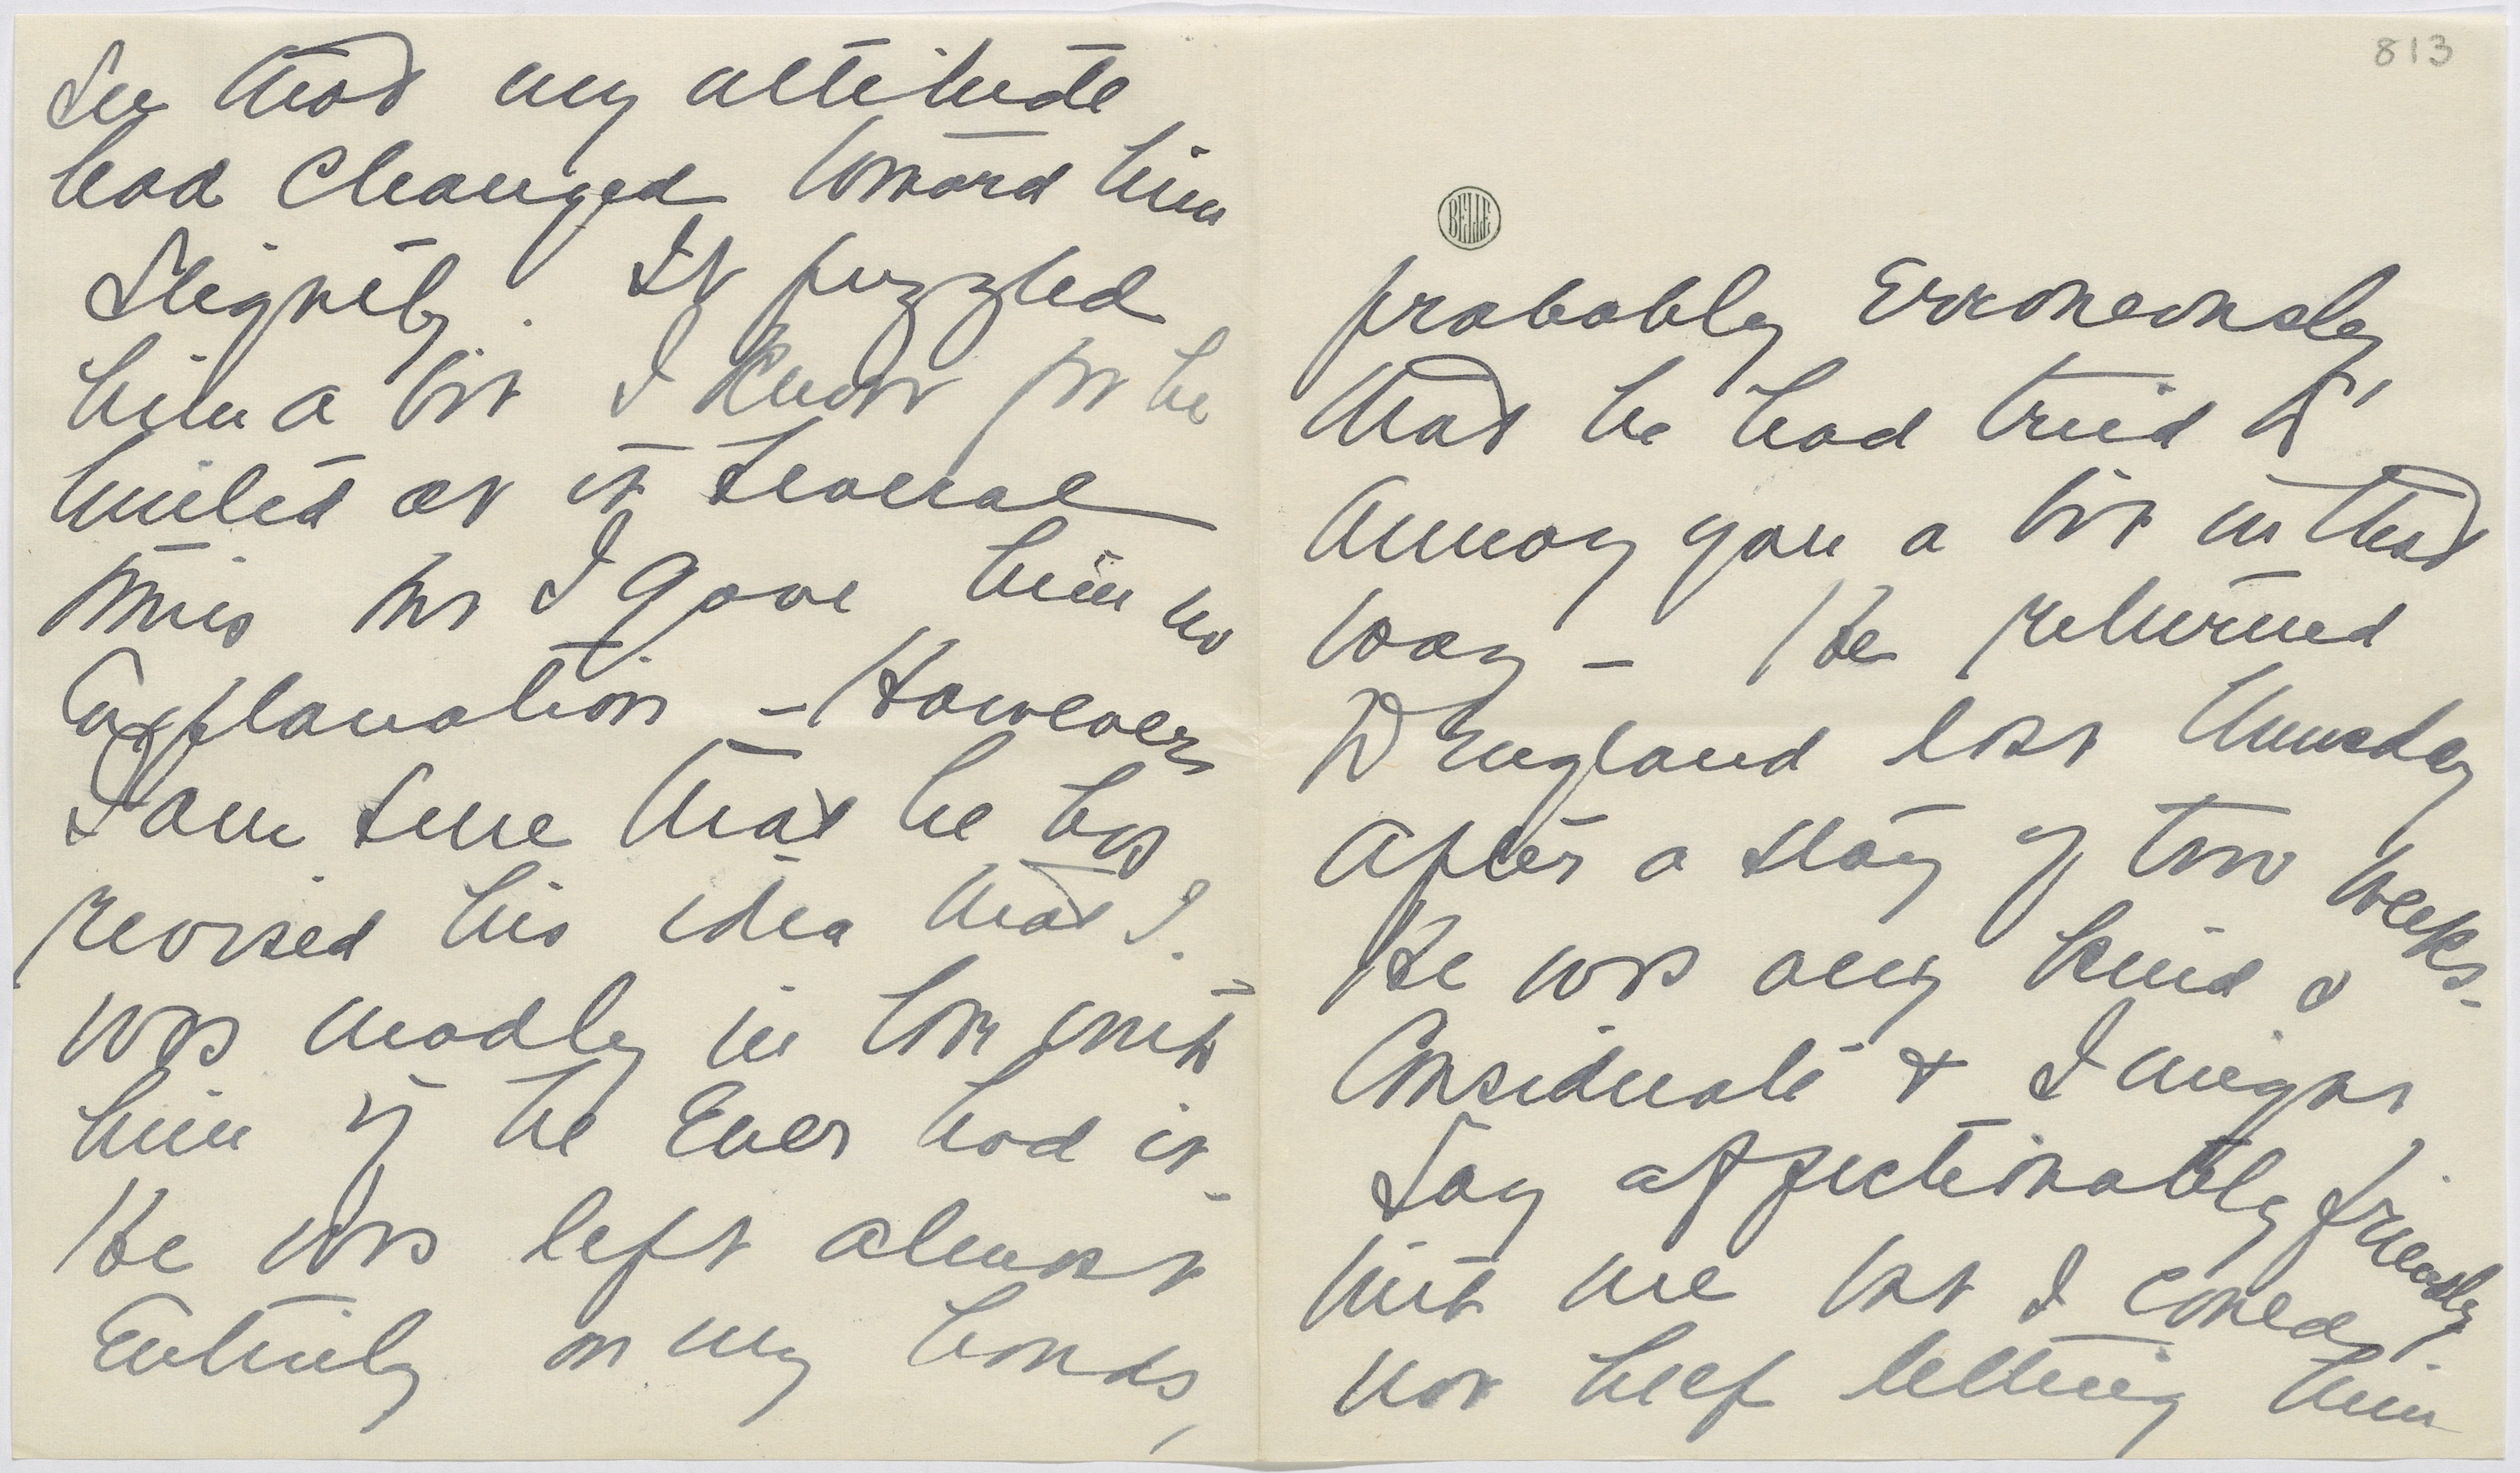probably erroneously, that he had tried to annoy you a bit in that way – He returned to England last Thursday after a stay of two weeks. He was very kind & considerate & I might say affectionately friendly with me but I could not help letting him
see that my attitude had changed toward him slightly. It puzzled him a bit I know for he hinted at it several times but I gave him no explanation – However I am sure that he has revised his idea that I was madly in love with him if he ever had it – He was left almost entirely on my hands,